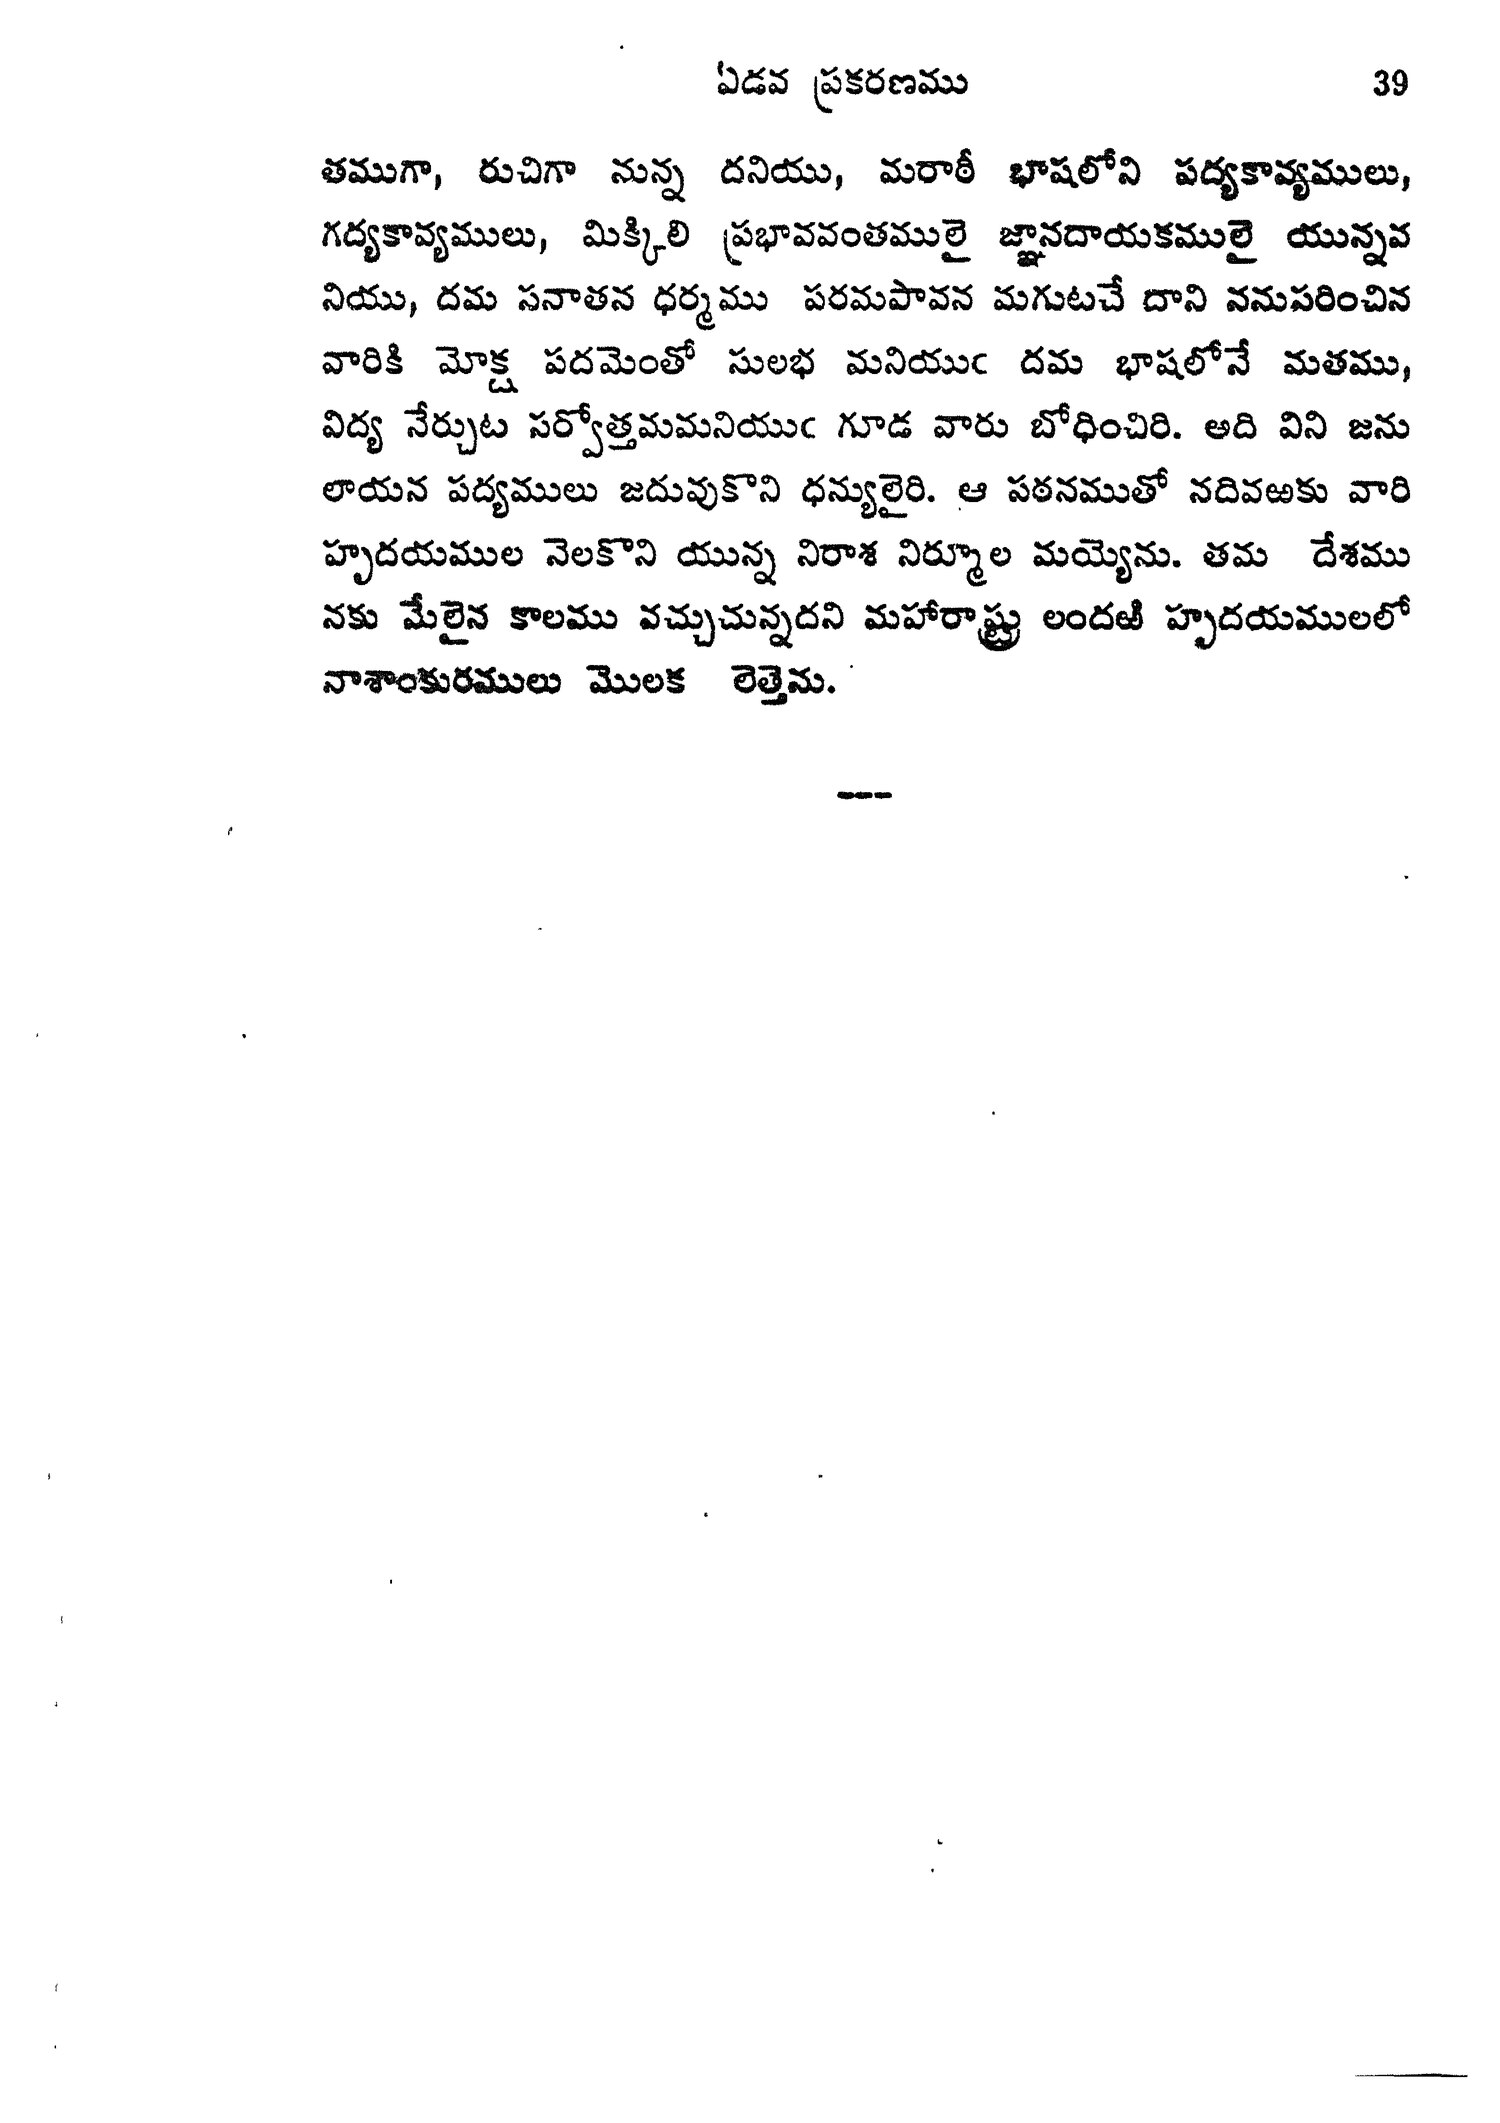తముగా, రుచిగా నున్న దనియు, మరాఠీ భాషలోని పద్యకావ్యములు, గద్యకావ్యములు, మిక్కిలి ప్రభావవంతములై జ్ఞానదాయకములై యున్నవనియు, దమ సనాతన ధర్మము పరమపావన మగుటచే దాని ననుసరించిన వారికి మోక్ష పదమెంతో సులభ మనియు దమ భాషలోనే మతము, విద్య నేర్చుట సర్వోత్తమమనియు గూడ వారు బోధించిరి. అది విని జనులాయన పద్యములు జదువుకొని ధన్యులైరి. ఆ పఠనముతో నదివఱకు వారి హృదయముల నెలకొని యున్న నిరాశ నిర్మూల మయ్యెను. తమ దేశమునకు మేలైన కాలము వచ్చుచున్నదని మహారాష్ట్రు లందఱి హృదయములలో నాశాంకురములు మొలక లెత్తెను.

_______